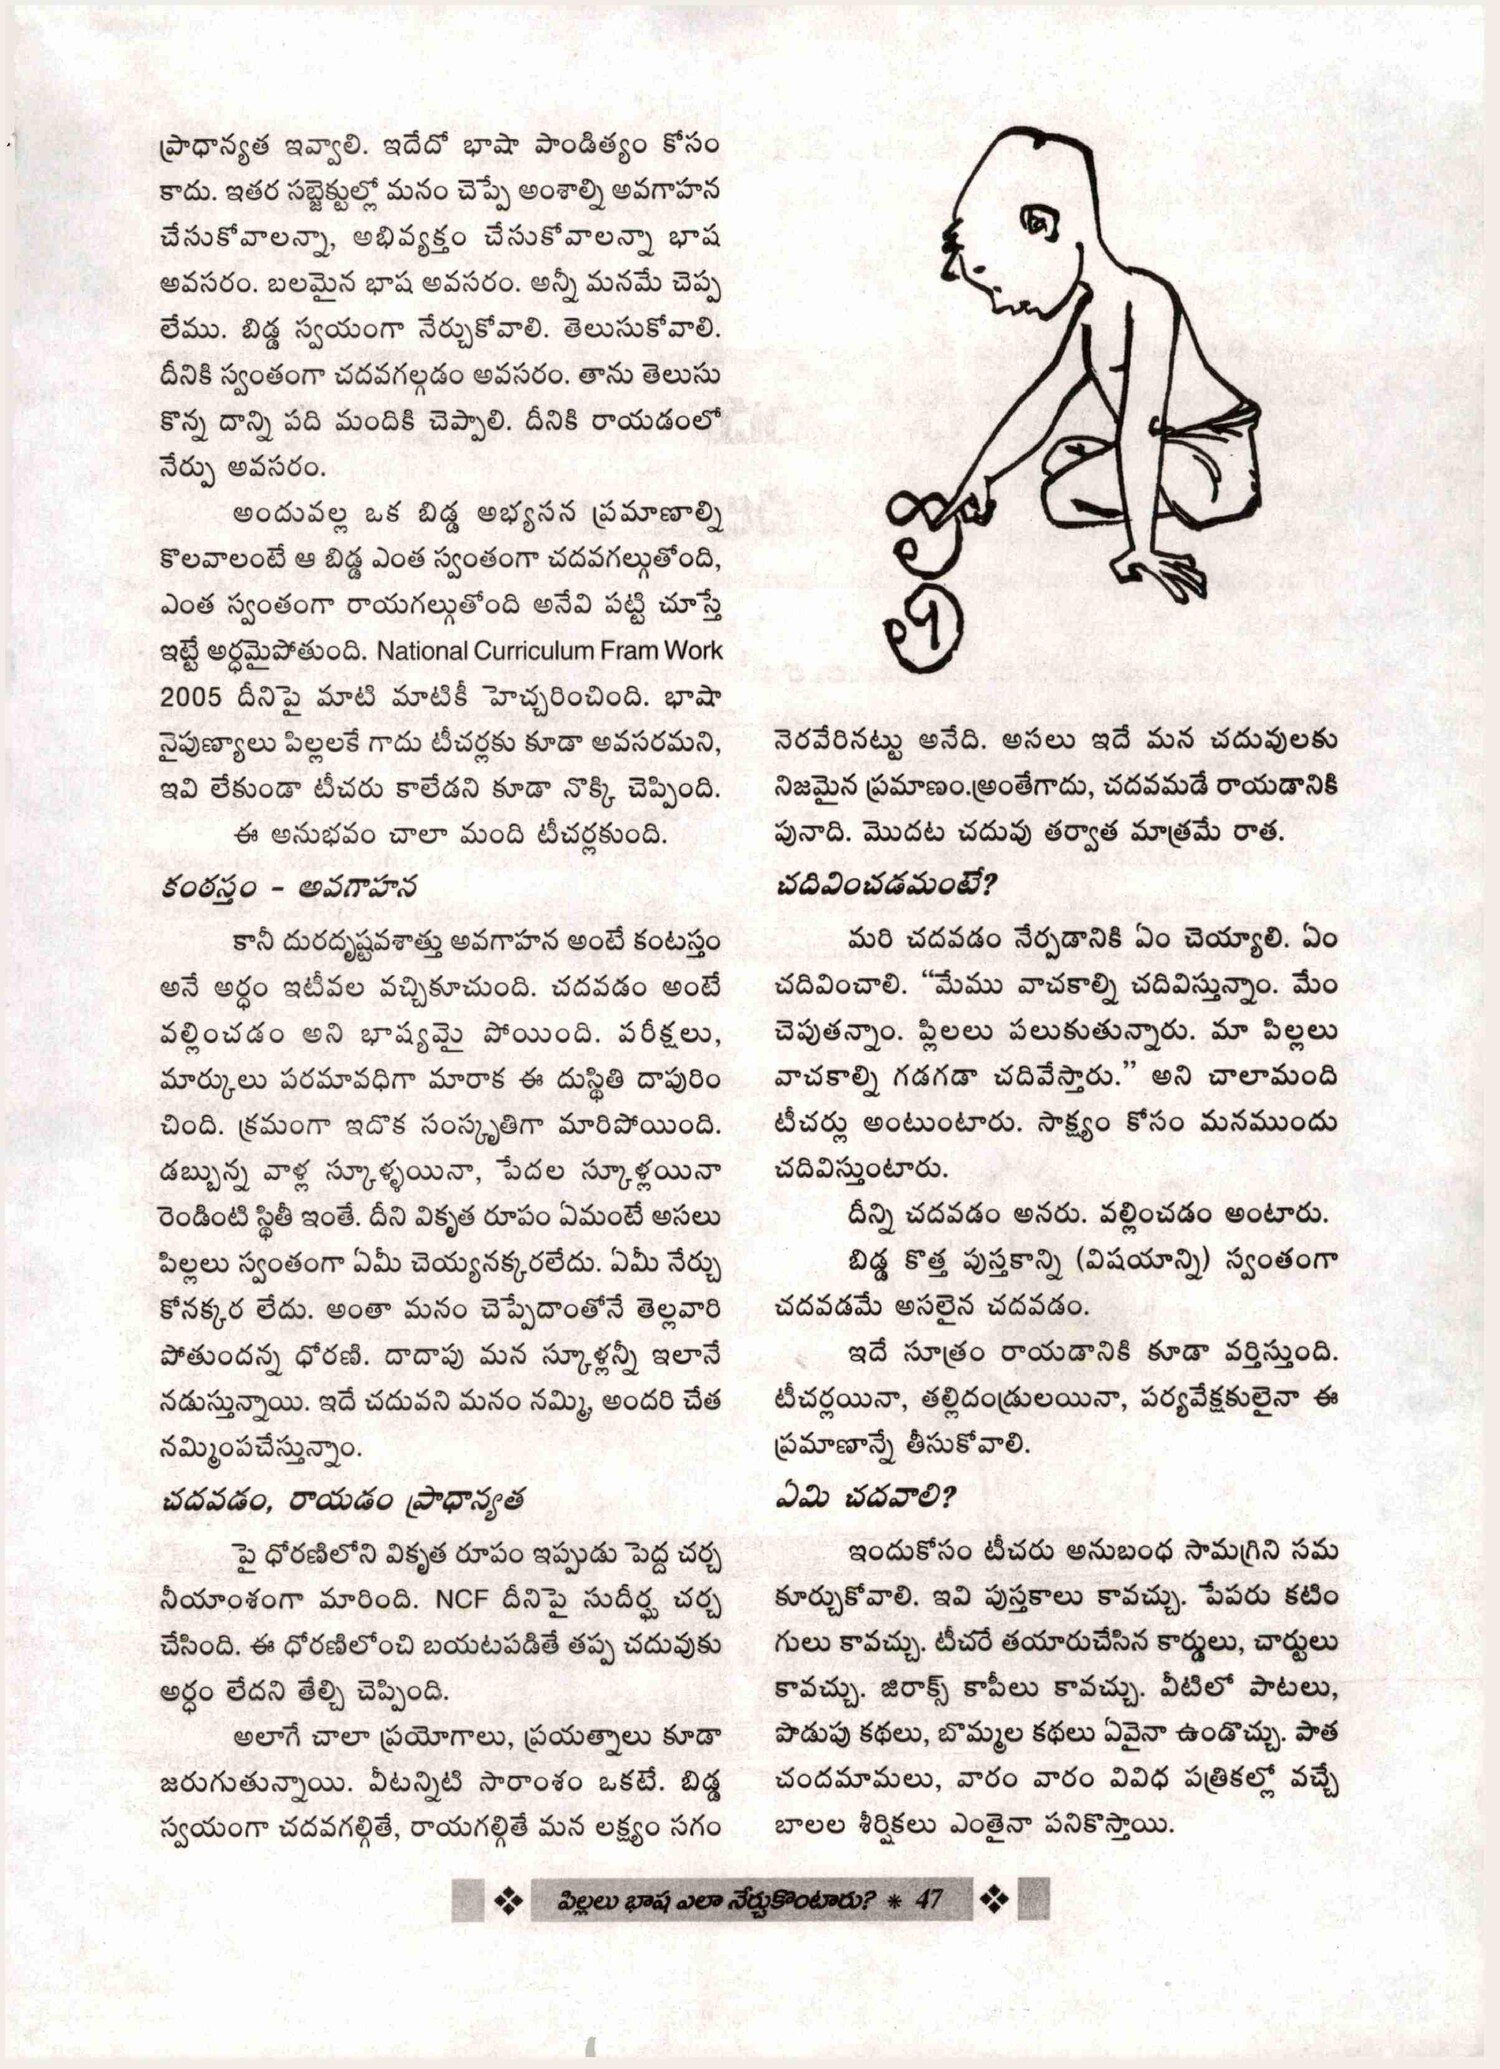ప్రాధాన్యత ఇవ్వాలి. ఇదేదో భాషా పాండిత్యం కోసం కాదు. ఇతర సబ్జెక్టుల్లో మనం చెప్పే అంశాల్ని అవగాహన
చేసుకోవాలన్నా, అభివ్యక్తం చేసుకోవాలన్నా భాష అవసరం. బలమైన భాష అవసరం. అన్నీ మనమే చెప్పలేము. బిడ్డ స్వయంగా నేర్చుకోవాలి. తెలుసుకోవాలి. దీనికి స్వంతంగా చదవగల్గడం అవసరం. తాను తెలుసుకొన్న దాన్ని పది మందికి చెప్పాలి. దీనికి రాయడంలో నేర్పు అవసరం.

అందువల్ల ఒక బిడ్డ అభ్యసన ప్రమాణాల్ని కొలవాలంటే ఆ బిడ్డ ఎంత స్వంతంగా చదవగల్గుతోంది, ఎంత స్వంతంగా రాయగల్గుతోంది అనేవి పట్టి చూస్తే ఇట్టే అర్ధమైపోతుంది. National Curriculum Fram Work 2005 దీనిపై మాటి మాటికీ హెచ్చరించింది. భాషా నైపుణ్యాలు పిల్లలకే గాదు టీచర్లకు కూడా అవసరమని, ఇవి లేకుండా టీచరు కాలేడని కూడా నొక్కి చెప్పింది.

ఈ అనుభవం చాలా మంది టీచర్లకుంది.

కంఠస్తం - అవగాహన

కానీ దురదృష్టవశాత్తు అవగాహన అంటే కంటస్తం అనే అర్ధం ఇటీవల వచ్చికూచుంది. చదవడం అంటే
వల్లించడం అని భాష్యమై పోయింది. పరీక్షలు, మార్కులు పరమావధిగా మారాక ఈ దుస్థితి దాపురించింది. క్రమంగా ఇదొక సంస్కృతిగా మారిపోయింది. డబ్బున్న వాళ్ల స్కూళ్ళయినా, పేదల స్కూళ్లయినా రెండింటి స్థితీ ఇంతే. దీని వికృత రూపం ఏమంటే అసలు పిల్లలు స్వంతంగా ఏమీ చెయ్యనక్కరలేదు. ఏమీ నేర్చుకోనక్కర లేదు. అంతా మనం చెప్పేదాంతోనే తెల్లవారి పోతుందన్న ధోరణి. దాదాపు మన స్కూళ్లన్నీ ఇలానే నడుస్తున్నాయి. ఇదే చదువని మనం నమ్మి, అందరి చేత నమ్మింపచేస్తున్నాం.

చదవడం, రాయడం ప్రాధాన్యత

పై ధోరణిలోని వికృత రూపం ఇప్పుడు పెద్ద చర్చనీయాంశంగా మారింది. NCF దీనిపై సుదీర్ఘ చర్చ చేసింది. ఈ ధోరణిలోంచి బయటపడితే తప్ప చదువుకు అర్ధం లేదని తేల్చి చెప్పింది.

అలాగే చాలా ప్రయోగాలు, ప్రయత్నాలు కూడా జరుగుతున్నాయి. వీటన్నిటి సారాంశం ఒకటే. బిడ్డ స్వయంగా చదవగల్గితే, రాయగల్గితే మన లక్ష్యం సగం
నెరవేరినట్టు అనేది. అసలు ఇదే మన చదువులకు నిజమైన ప్రమాణం.అంతేగాదు, చదవమడే రాయడానికి
పునాది. మొదట చదువు తర్వాత మాత్రమే రాత.

చదివించడమంటే?

మరి చదవడం నేర్పడానికి ఏం చెయ్యాలి. ఏం చదివించాలి. “మేము వాచకాల్ని చదివిస్తున్నాం. మేం చెపుతన్నాం. ప్లిలలు పలుకుతున్నారు. మా పిల్లలు వాచకాల్ని గడగడా చదివేస్తారు.” అని చాలామంది టీచర్లు అంటుంటారు. సాక్ష్యం కోసం మనముందు చదివిస్తుంటారు.

దీన్ని చదవడం అనరు. వల్లించడం అంటారు.

బిడ్డ కొత్త పుస్తకాన్ని (విషయాన్ని) స్వంతంగా చదవడమే అసలైన చదవడం.

ఇదే సూత్రం రాయడానికి కూడా వర్తిస్తుంది. టీచర్లయినా, తల్లిదండ్రులయినా, పర్యవేక్షకులైనా ఈ ప్రమాణాన్నే తీసుకోవాలి.

ఏమి చదవాలి?

ఇందుకోసం టీచరు అనుబంధ సామగ్రిని సమకూర్చుకోవాలి. ఇవి పుస్తకాలు కావచ్చు. పేపరు కటింగులు కావచ్చు. టీచరే తయారుచేసిన కార్డులు, చార్టులు కావచ్చు. జిరాక్స్ కాపీలు కావచ్చు. వీటిలో పాటలు, పొడుపు కథలు, బొమ్మల కథలు ఏవైనా ఉండొచ్చు. పాత చందమామలు, వారం వారం వివిధ పత్రికల్లో వచ్చే బాలల శీర్షికలు ఎంతైనా పనికొస్తాయి.